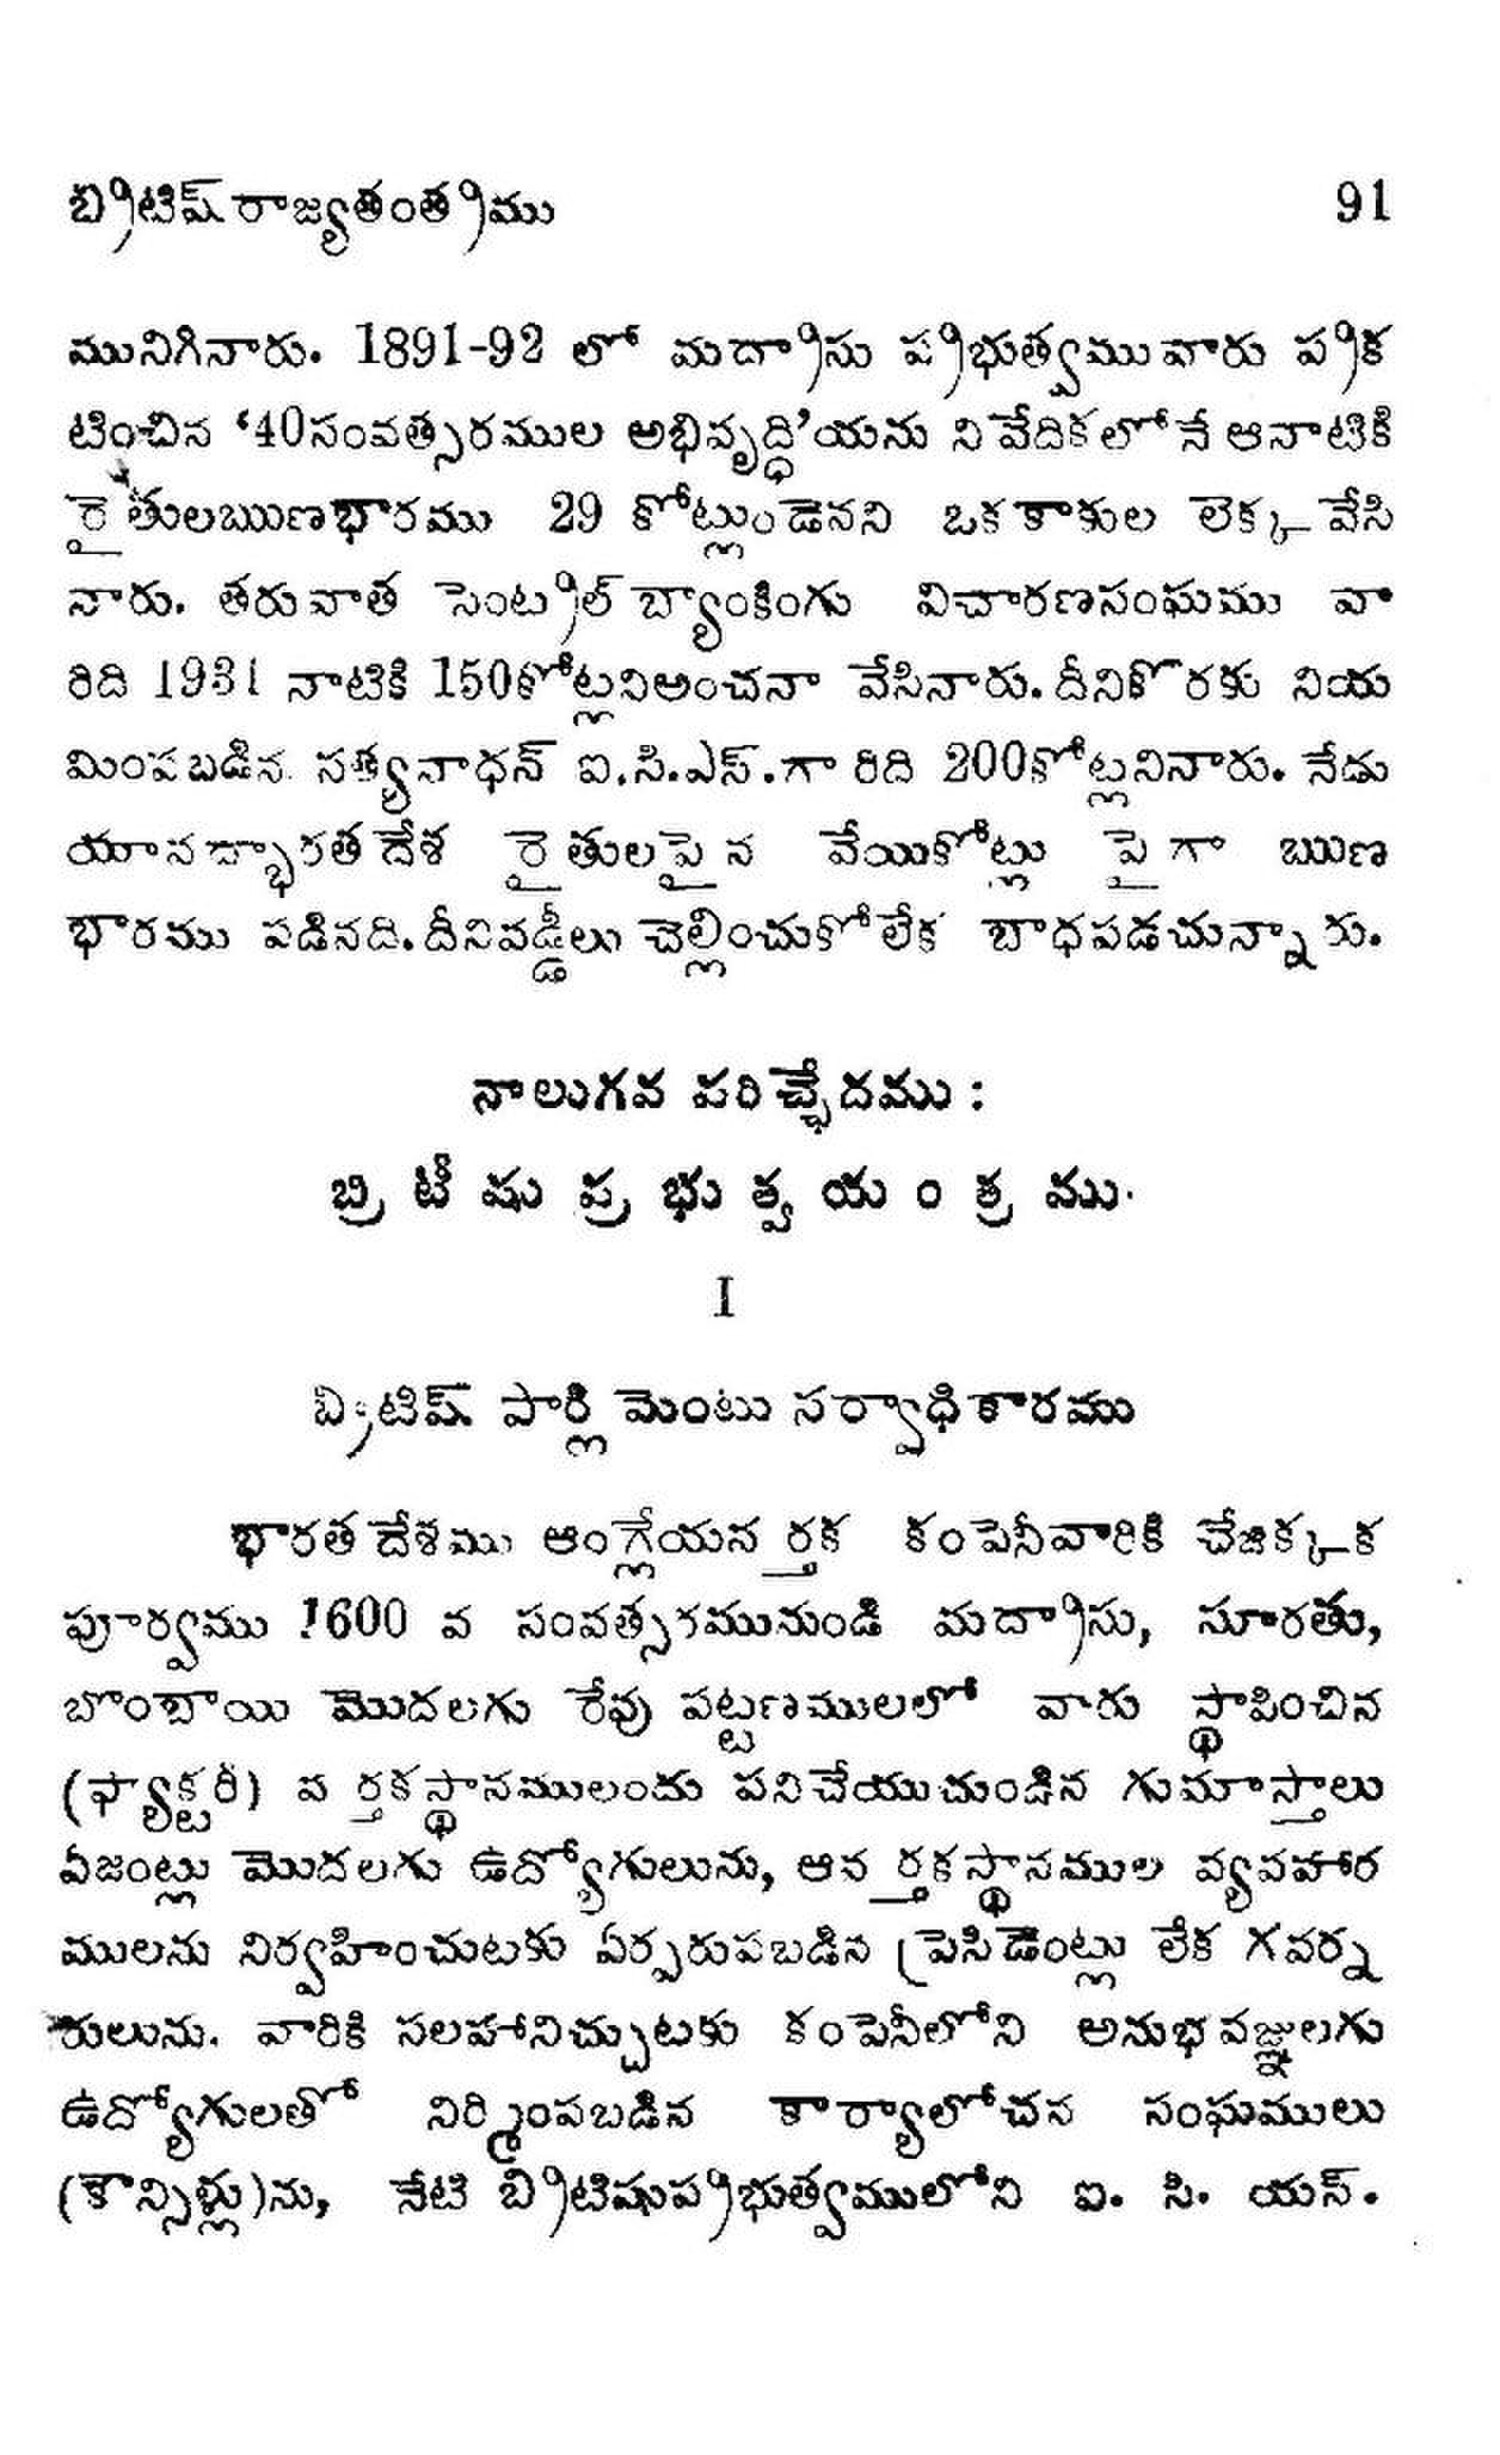మునిగినారు. 1891-92 లో మద్రాసు ప్రభుత్వమువారు ప్రకటించిన '40 సంవత్సరముల అభివృద్ధి'యను నివేదికలోనే ఆనాటికి రైతులఋణభారము 29 కోట్లుండెనని ఒకకాకుల లెక్క వేసినారు. తరువాత సెంట్రల్ బ్యాంకింగు విచారణసంఘము వారిది 1931 నాటికి 150 కోట్లనిఅంచనా వేసినారు. దీనికొరకు నియమింపబడిన. సత్యనాధన్ ఐ.సి.ఎస్.గా రిది 200కోట్లనినారు. నేడు యావద్భారతదేశ రైతులపైన వేయికోట్లు పైగా ఋణభారము పడినది. దీనివడ్డీలు చెల్లించుకోలేక బాధపడచున్నారు.

నాలుగవ పరిచ్ఛేదము: 
బ్రిటీషు ప్రభుత్వయంత్రము.
I
బిటిష్ పార్లిమెంటు సర్వాధికారము

భారతదేశము ఆంగ్లేయవర్తక కంపెనీవారికి చేజిక్కక పూర్వము 1600 వ సంవత్సరమునుండి మద్రాసు, సూరతు,
బొంబాయి మొదలగు రేవు పట్టణములలో వారు స్థాపించిన (ఫ్యాక్టరీ) వర్తకస్థానములందు పనిచేయుచుండిన గుమాస్తాలు ఏజంట్లు మొదలగు ఉద్యోగులును, ఆవర్తకస్థానముల వ్యవహారములను నిర్వహించుటకు ఏర్పరుపబడిన ప్రెసిడెంట్లు లేక గవర్నరులును. వారికి సలహానిచ్చుటకు కంపెనీలోని అనుభవజ్ఞులగు ఉద్యోగులతో నిర్మింపబడిన కార్యాలోచన సంఘములు (కౌన్సిళ్లు)ను, నేటి బ్రిటిషుప్రభుత్వములోని ఐ. సి. యస్.